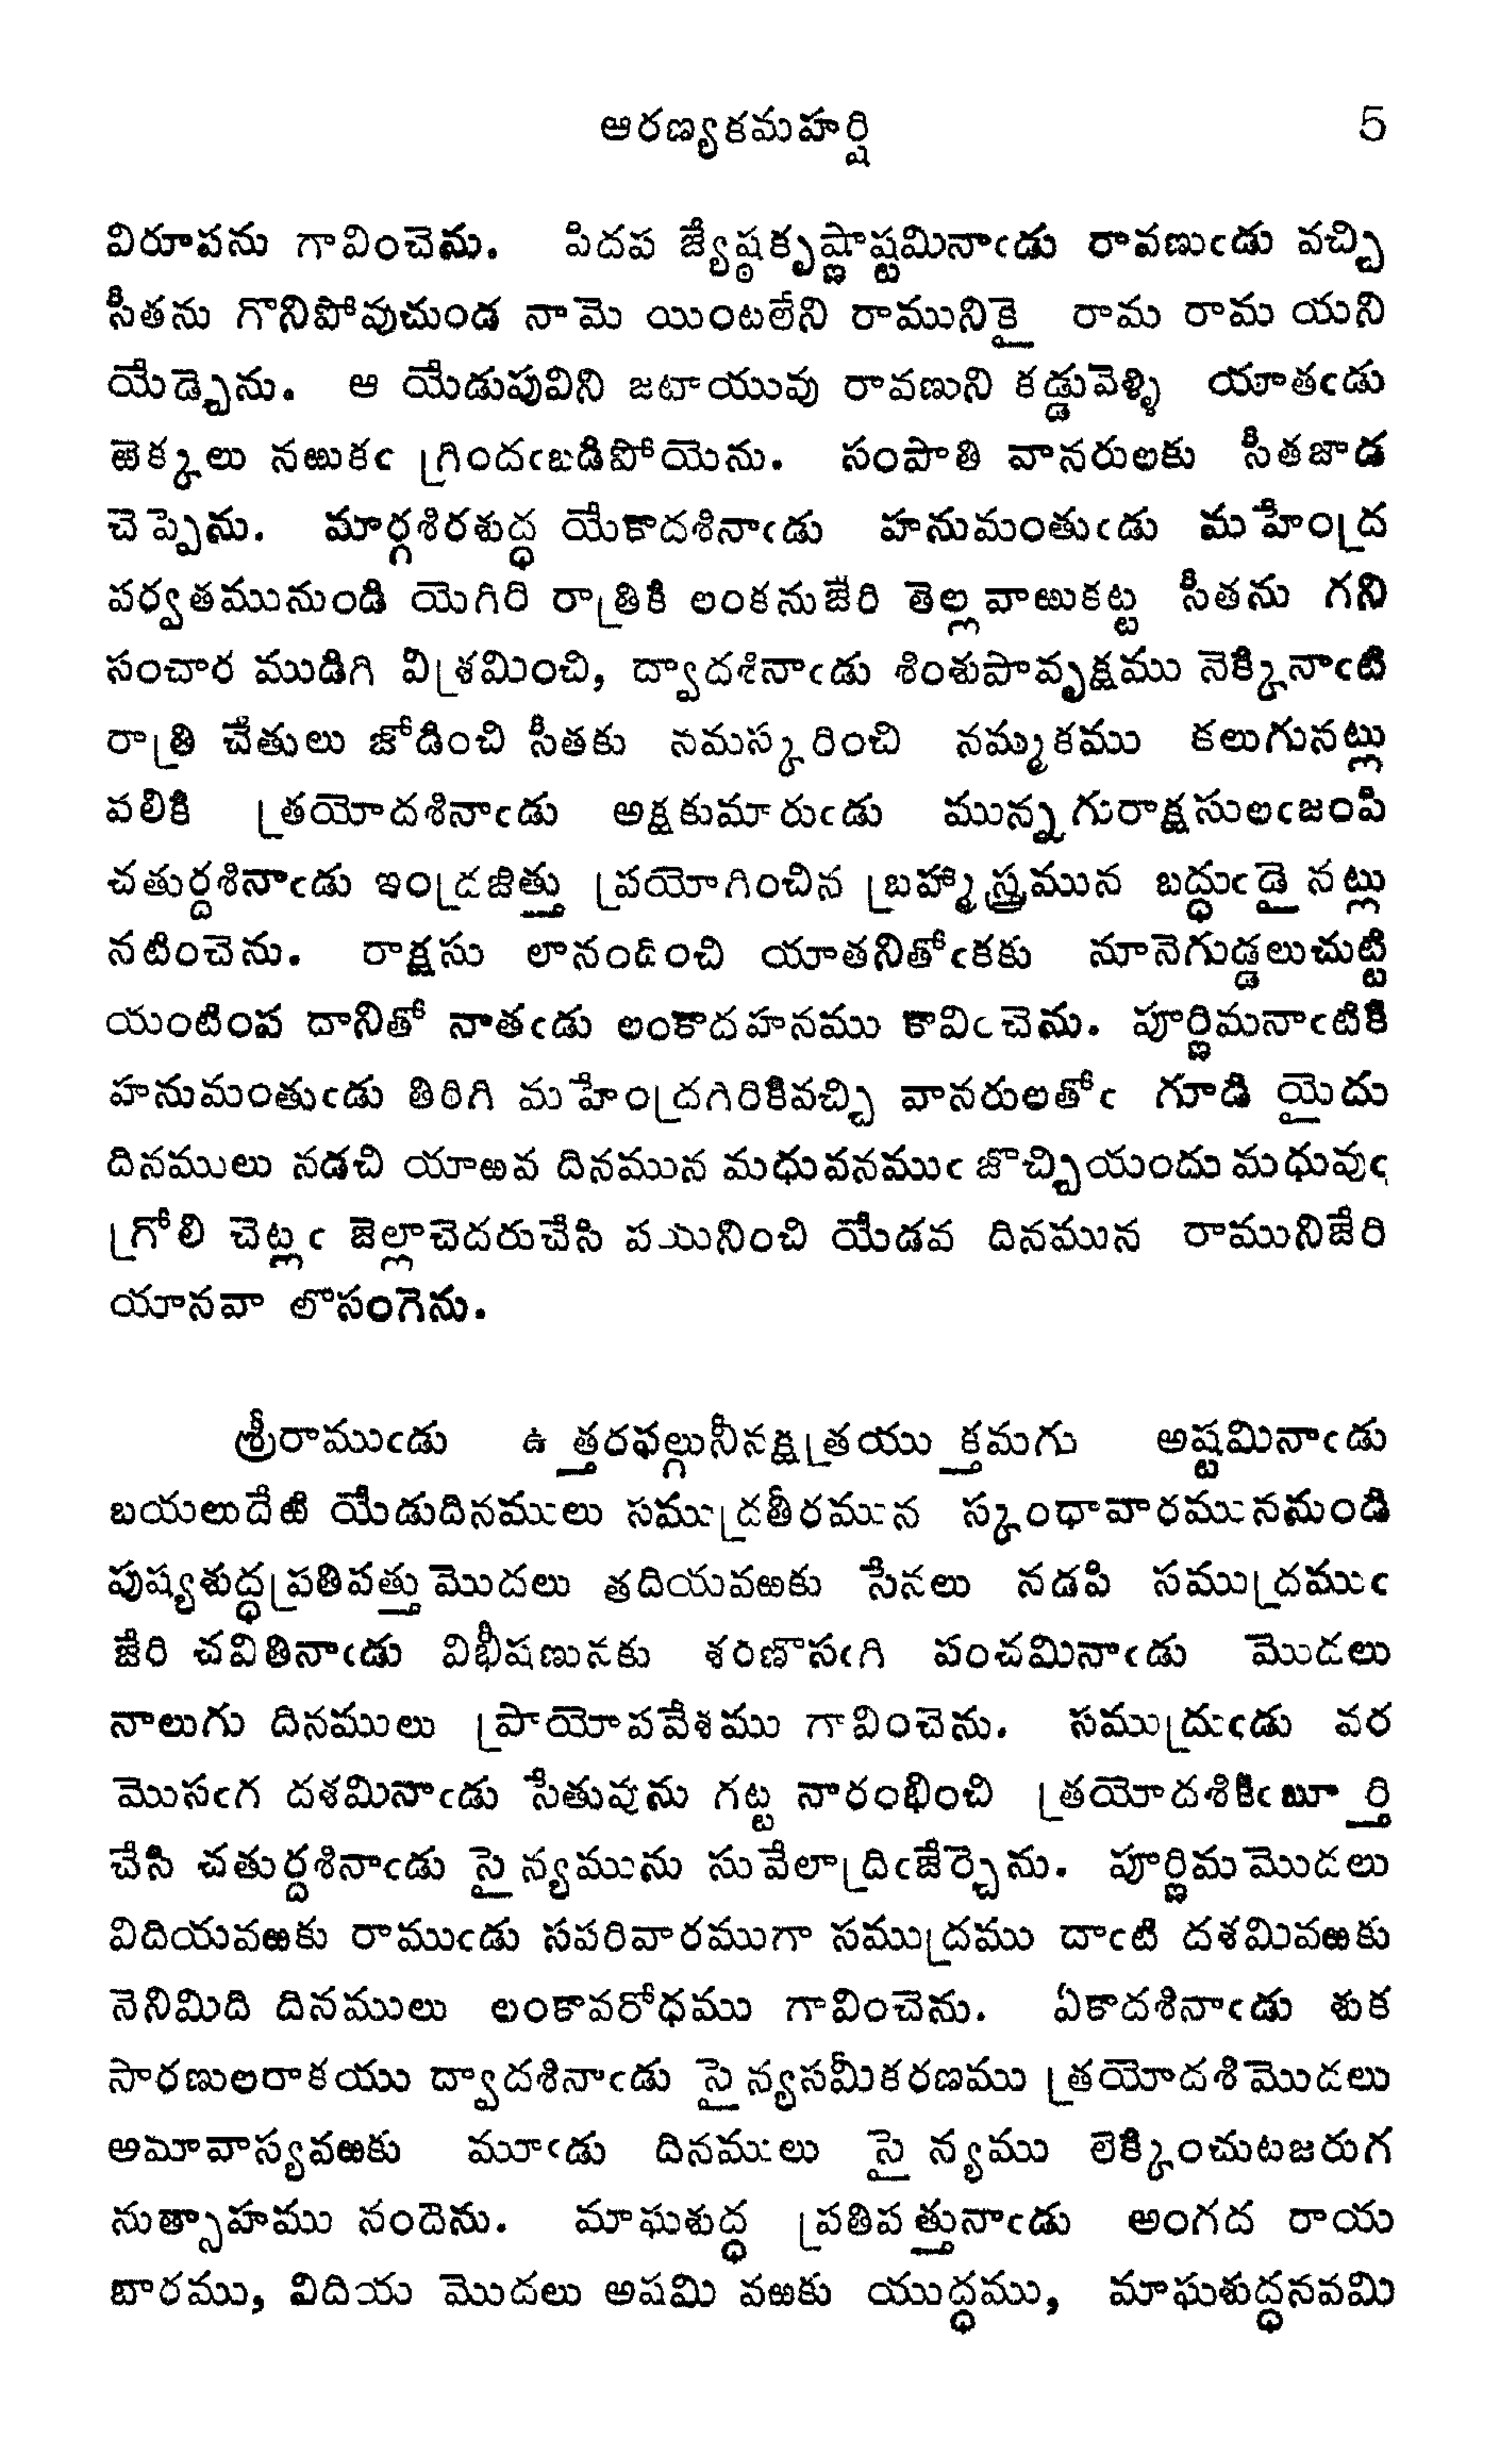విరూపను గావించెను. పిదప జ్యేష్ఠకృష్ణాష్టమినాడు రావణుడు వచ్చి సీతను గొనిపోవుచుండ నామె యింటలేని రామునికై రామ రామ యని యేడ్చెను. ఆ యేడుపువిని జటాయువు రావణుని కడ్డువెళ్ళి యాతడు రెక్కలు నరుక గ్రిందబడిపోయెను. సంపాతి వానరులకు సీతజాడ చెప్పెను. మార్గశిరశుద్ధ యేకాదశినాడు హనుమంతుడు మహేంద్ర పర్వతమునుండి యెగిరి రాత్రికి లంకనుజేరి తెల్లవారుకట్ట సీతను గని సంచార ముడిగి విశ్రమించి, ద్వాదశినాడు శింశుపావృక్షము నెక్కినాటి రాత్రి చేతులు జోడించి సీతకు నమస్కరించి నమ్మకము కలుగునట్లు పలికి త్రయోదశినాడు అక్షకుమారుడు మున్నగు రాక్షసుల జంపి చతుర్దశినాడు ఇంద్రజిత్తు ప్రయోగించిన బ్రహ్మాస్త్రమున బద్ధుడైనట్లు నటించెను. రాక్షసు లానందించి యాతనితోకకు నూనెగుడ్డలుచుట్టి యంటింప దానితో నాతడు లంకాదహనము కావించెను. పూర్ణిమనాటికి హనుమంతుడు తిరిగి మహేంద్రగిరికివచ్చి వానరులతో గూడి యైదు దినములు నడచి యారవ దినమున మధువనము జొచ్చియందు మధువు గ్రోలి చెట్ల జెల్లాచెదరుచేసి పయనించి యేడవ దినమున రామునిజేరి యానవా లొసంగెను.

శ్రీరాముడు ఉత్తరఫల్గునీనక్షత్రయుక్తమగు అష్టమినాడు బయలుదేరి యేడుదినములు సముద్రతీరమున స్కందావారముననుండి పుష్యశుద్ధప్రతిపత్తు మొదలు తదియ వరకు సేనలు నడపి సముద్రము జేరి చవితినాడు విభీషణునకు శరణొసగి పంచమినాడు మొదలు నాలుగు దినములు ప్రాయోపవేశము గావించెను. సముద్రుడు వర మొసగ దశమినాడు సేతువును గట్ట నారంభించి త్రయోదశికి బూర్తిచేసి చతుర్దశినాడు సైన్యమును సువేలాద్రి జేర్చెను. పూర్ణిమమొదలు విదియవరకు రాముడు సపరివారముగా సముద్రము దాటి దశమివరకు నెనిమిది దినములు లంకావరొధము గావించెను. ఏకాదశినాడు శుకసారణులరాకయు ద్వాదశినాడు సైన్యసమీకరణము త్రయోదశి మొదలు అమావాస్య వరకు మూడు దినములు సైన్యము లెక్కించుటజరుగ నుత్సాహము నందెను. మాఘశుద్ధ ప్రతిపత్తునాడు అంగద రాయబారము, విదియ మొదలు అష్టమి వరకు యుద్ధము, మాఘశుద్ధనవమి